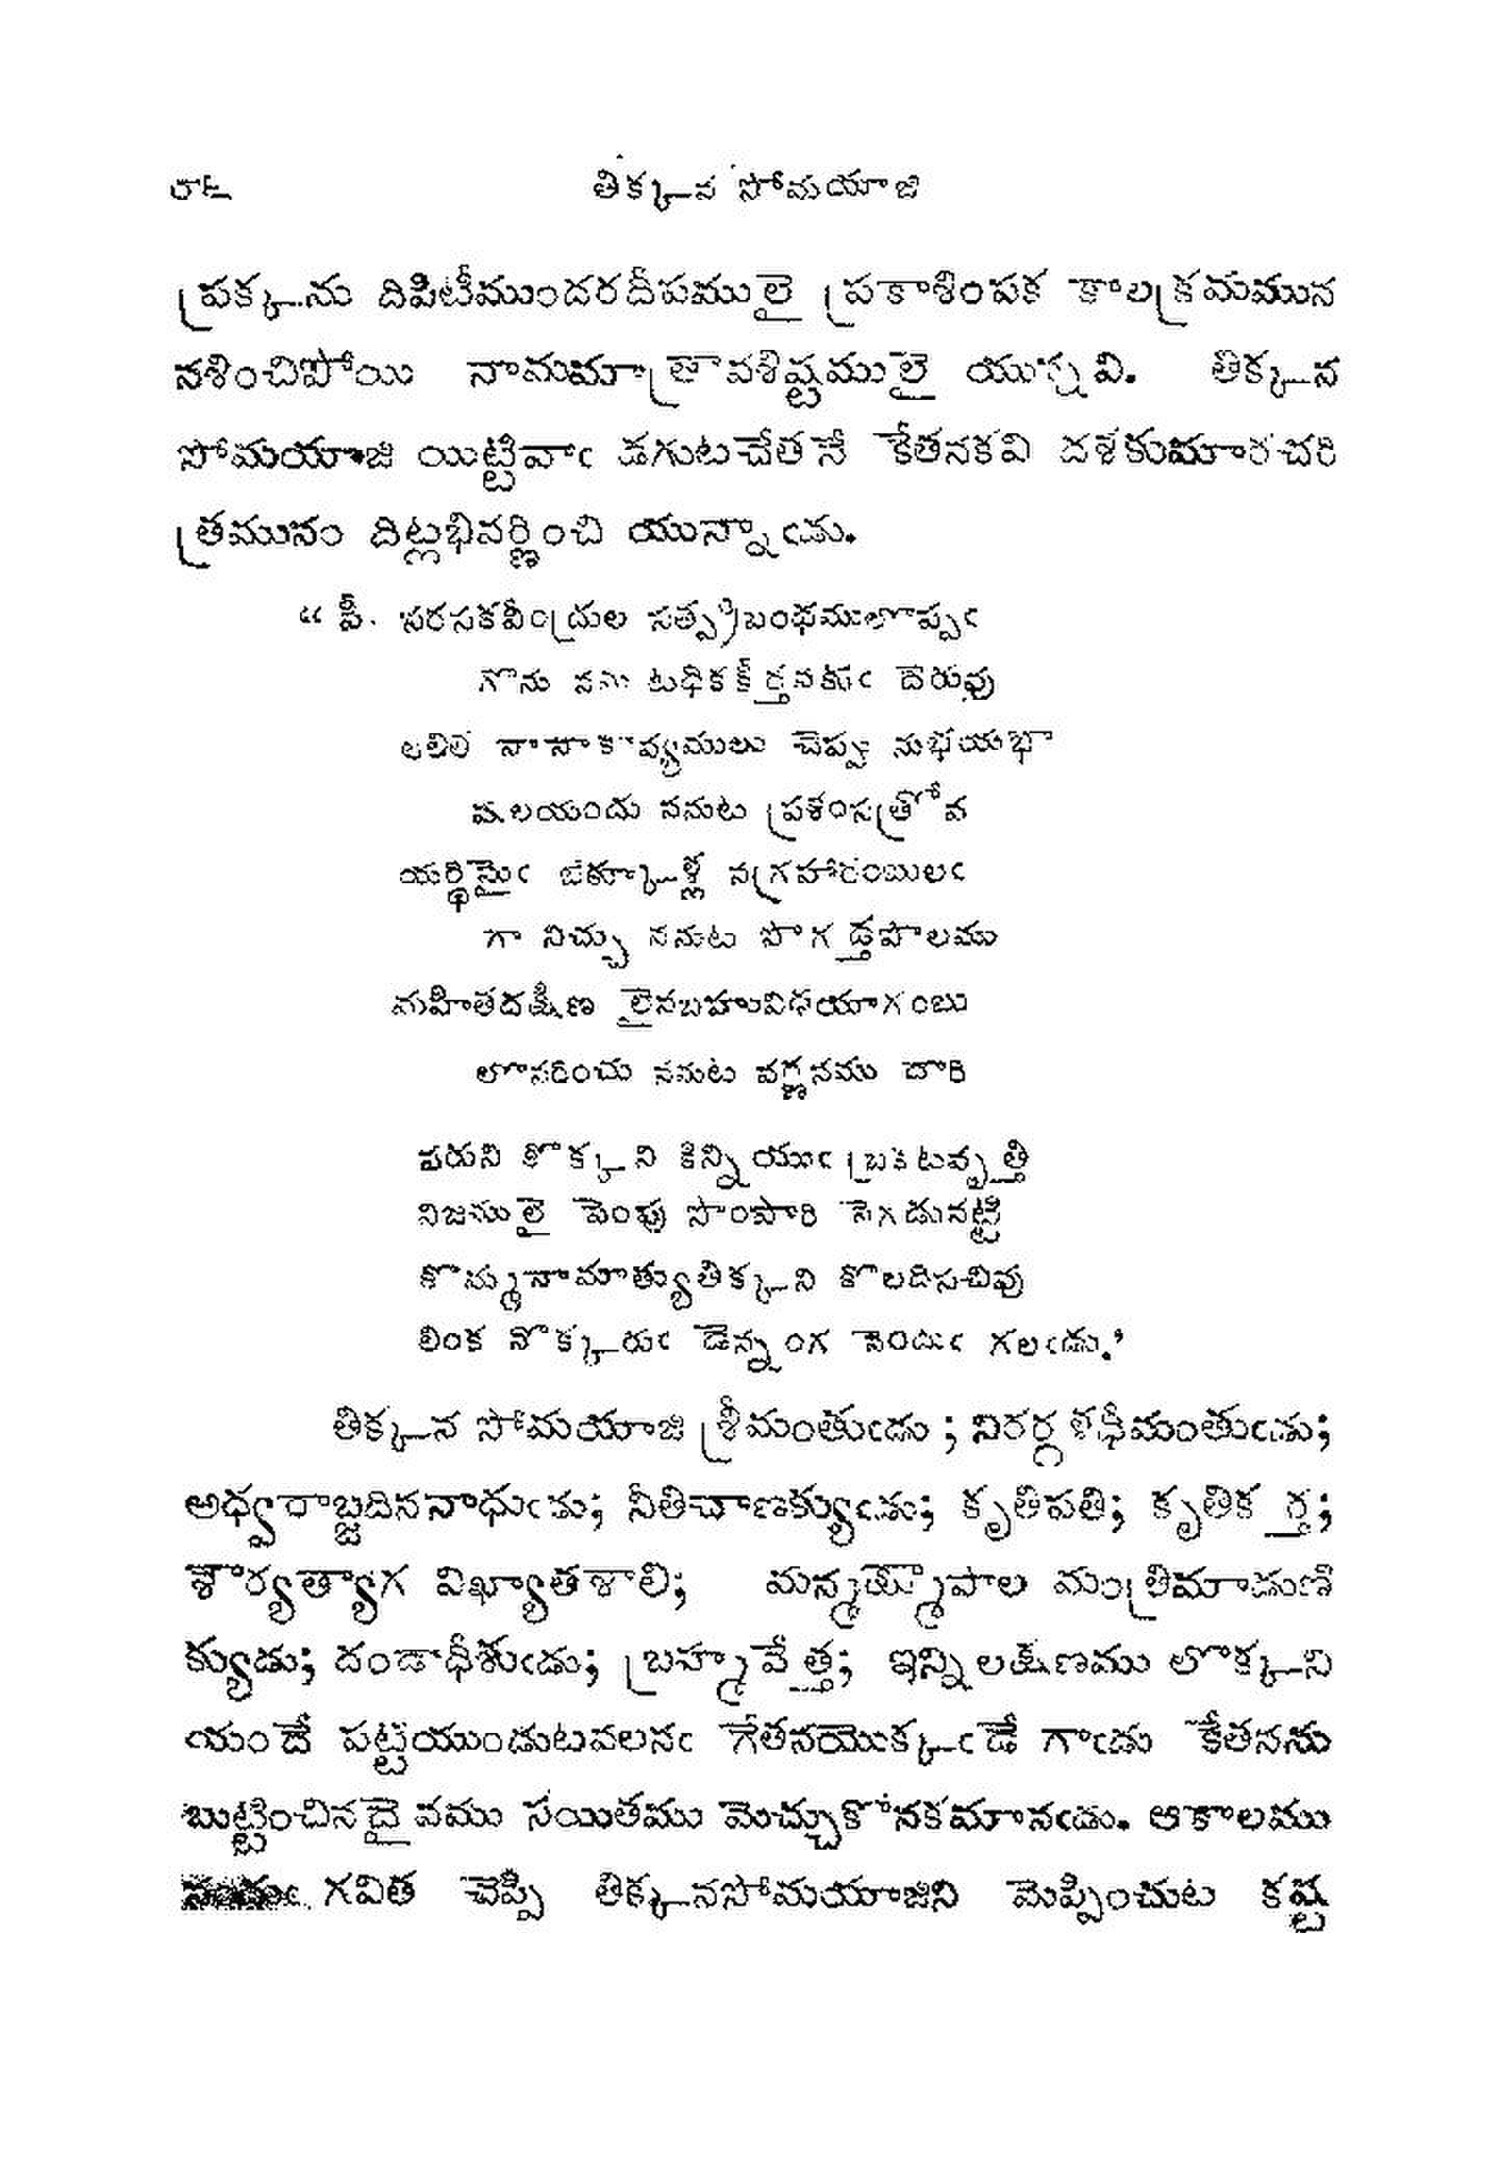ప్రక్కను దిపిటీముందరదీపములై ప్రకాశింపక కాలక్రమమున నశించిపోయి నామమాత్రావశిష్టములై యున్నవి. తిక్కన సోమయాజి యిట్టివాఁ డగుటచేతనే కేతనకవి దశకుమారచరిత్రమునం దిట్లభివర్ణించి యున్నాఁడు. 

"సీ. సరసకవీంద్రుల సత్ప్రబంథములొప్పఁ
 గొను నను టధికకీర్తనకుఁ దెరువు 
 లలిత నానాకావ్యములు చెప్పు నుభయభా
 షలయందు ననుట ప్రశంసత్రోవ 
 యర్థిమైఁ బెక్కూళ్ల నగ్రహారంబులఁ
 గా నిచ్చు ననుట పొగడ్తపొలము 
 మహితదక్షిణ లైనబహువిధయాగంబు
 లొనరించు ననుట వర్ణనము దారి 

 పరుని కొక్కని కిన్నియుఁ బ్రకటవృత్తి 
 నిజములై పెంపు సొంపారి నెగడునట్టి 
 కొమ్మనామాత్యుతిక్కని కొలదిసచివు
 లింక నొక్కరుఁ డెన్నంగ నెందుఁ గలఁడు." 
తిక్కన సోమయాజి శ్రీమంతుఁడు ; నిరర్గళధీమంతుఁడు; అధ్వరాబ్జదిననాధుఁడు; నీతిచాణక్యుఁడు; కృతిపతి; కృతికర్త; శౌర్యత్యాగ విఖ్యాతశాలి; మన్మక్ష్మాపాల మంత్రిమాడుణిక్యుడు; దండాధీశుఁడు; బ్రహ్మవేత్త, ఇన్నిలక్షణము లొక్కనియందే పట్టియుండుటవలనఁ గేతనయొక్కఁడే గాఁడు కేతనను బుట్టించినదైవము సయితము మెచ్చుకొనకమానఁడు. ఆకాలము నందుఁ గవిత చెప్పి తిక్కనసోమయాజుని మెప్పించుట కష్ట